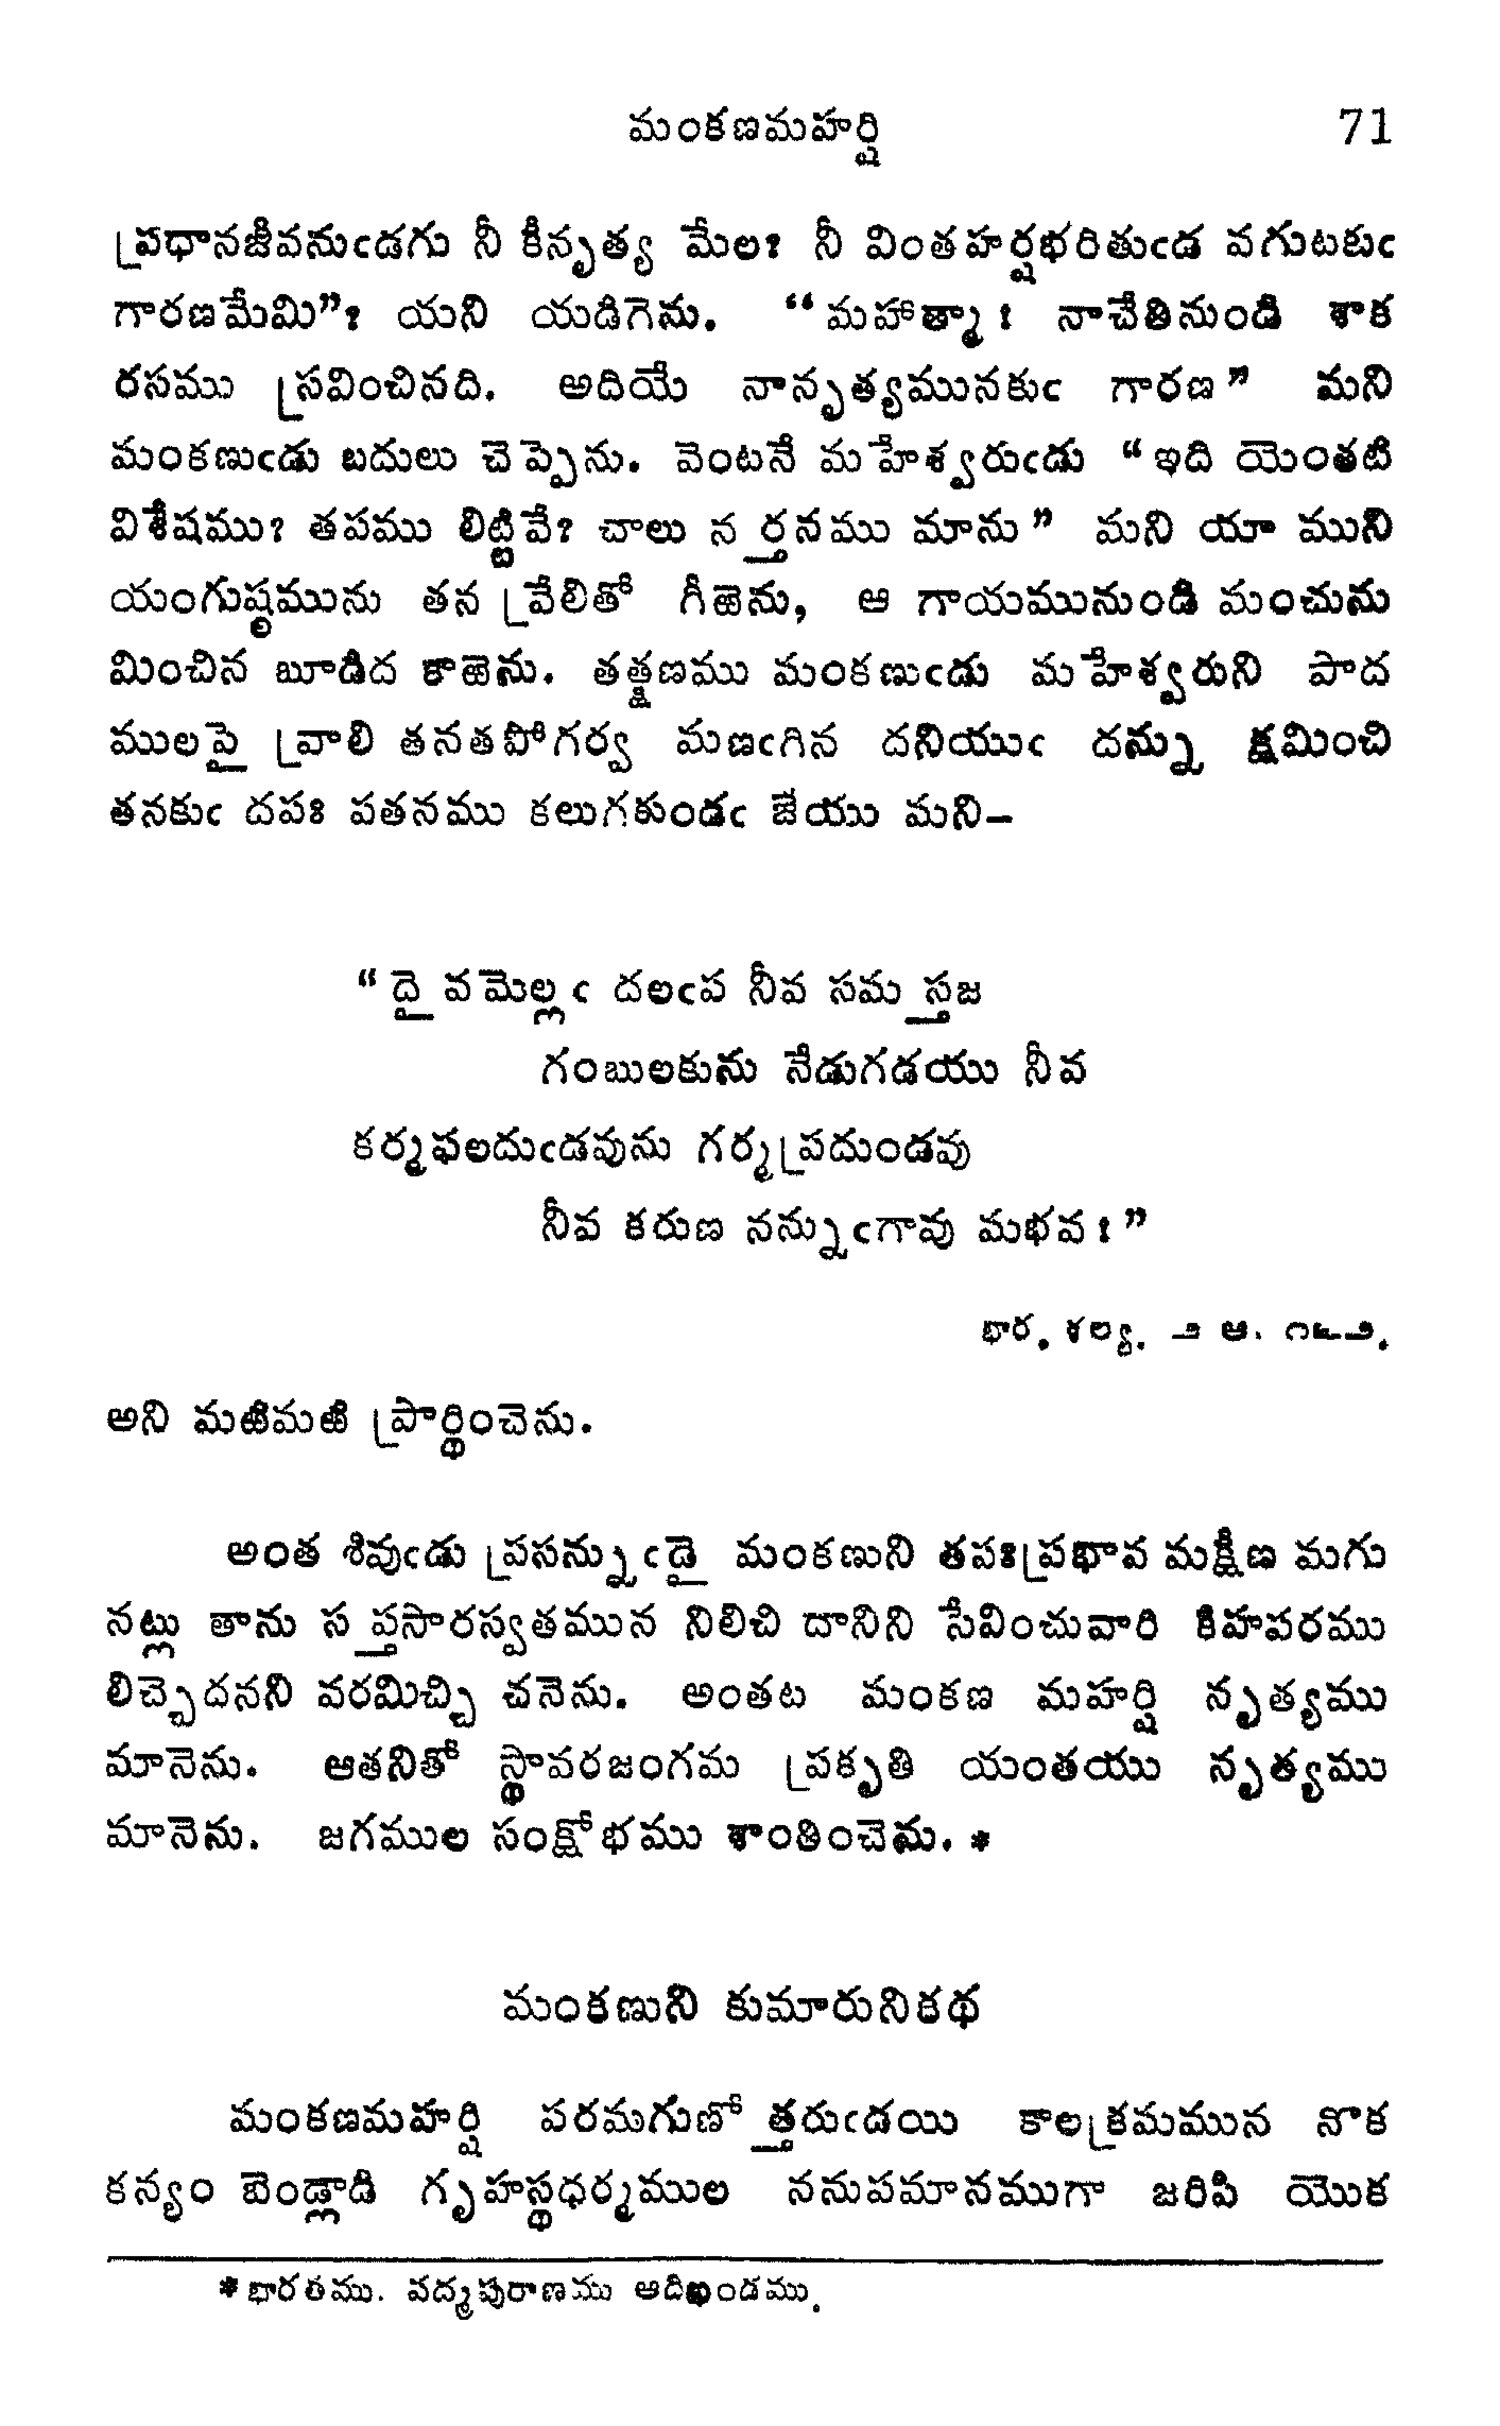ప్రధానజీవనుఁడగు నీ కీనృత్య మేల? నీ వింతహర్షభరితుఁడ వగుటకుఁ గారణమేమి”? యని యడిగెను. " మహాత్మా! నాచేతినుండి శాక రసము స్రవించినది. అదియే నానృత్యమునకుఁ గారణ" మని మంకణుఁడు బదులు చెప్పెను. వెంటనే మహేశ్వరుఁడు " ఇది యెంతటి విశేషము? తపము లిట్టివే? చాలు నర్తనము మాను" మని యా ముని యంగుష్ఠమును తన వ్రేలితో గీఱెను, ఆ గాయమునుండి మంచును మించిన బూడిద కాఱెను. తత్త్క్షణము మంకణుఁడు మహేశ్వరుని పాదములపై వ్రాలి తనతపోగర్వ మణఁగిన దనియుఁ దన్ను క్షమించి తనకుఁ దపః పతనము కలుగకుండఁ జేయు మని

“దైవమెల్లఁ దలఁప నీవ సమస్తజ
 గంబులకును నేడుగడయు నీవ 
 కర్మఫలదుఁడవును గర్మ ప్రదుండవు
 నీవ కరుణ నన్నుఁగావు మభవ ! "
 భార. శల్య. 2 ఆ. 162
అని మఱిమఱి ప్రార్థించెను.

అంత శివుఁడు ప్రసన్నుఁడై మంకణుని తపఃప్రభావ మక్షిణ మగునట్లు తాను సప్తసారస్వతమున నిలిచి దానిని సేవించువారి కిహపరము లిచ్చెదనని వరమిచ్చి చనెను. అంతట మంకణ మహర్షి నృత్యము మానెను. ఆతనితో స్థావరజంగమ ప్రకృతి యంతయు నృత్యము మానెను. జగముల సంక్షోభము శాంతించెను. *

మంకణుని కుమారునికథ

మంకణమహర్షి పరమగుణో త్తరుఁడయి కాలక్రమమున నొక కన్యం బెండ్లాడి గృహస్థధర్మముల ననుపమానముగా జరిపి యొక